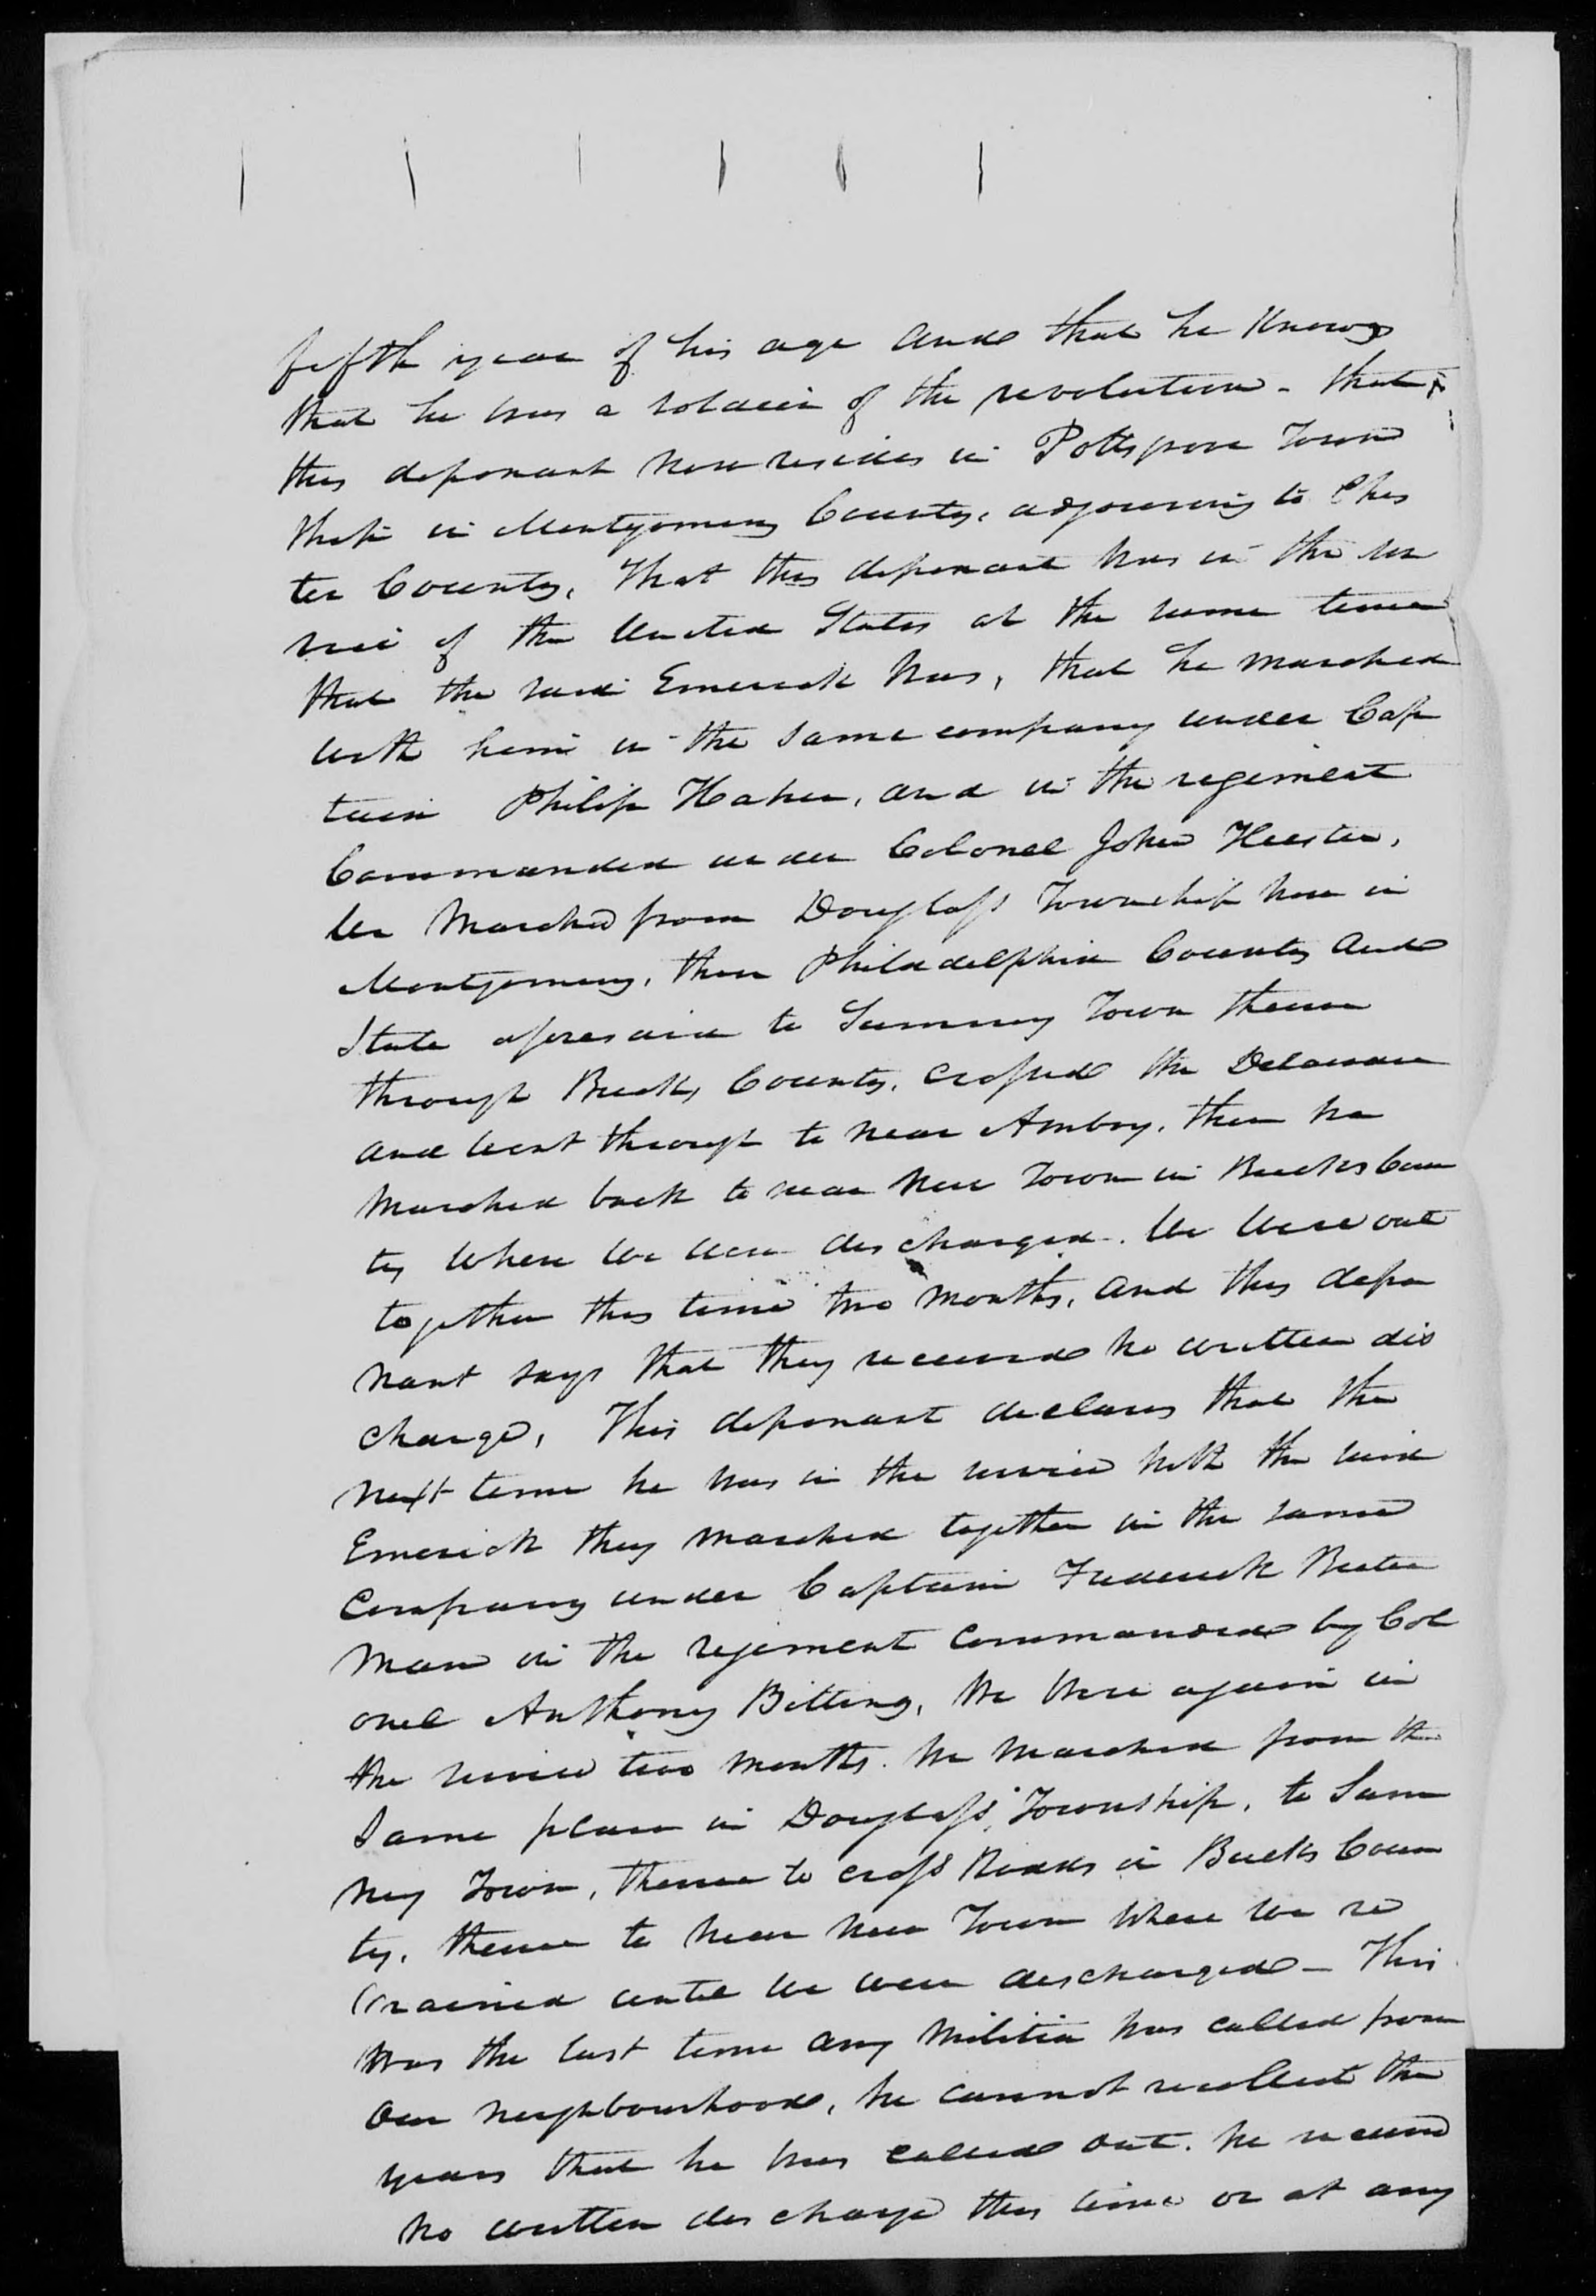fifth year of his age and that he knows
that he was a soldier of the revolution. that
this deponent now resides in Pottsgrove Township in Montgomery County, adjoining to this Chester County. That this deponent was in service of the United States at the same time
that the said Emerick was, that he marched
with him in the same company under Captain Philip Hahn, and in the regiment
Commanded under Colonel John Hiester,
[illegible] marched from Douglass Township now in Montgomery, then Philadelphia County and State aforesaid to Sumney Town thence
through Bucks County, crossed the Delaware
and went through to near Amboy. then he
marched back to near New Town [Newtown] in Bucks County when we were discharged. we were out together this time two months, and this deponent says that they received no written discharge. This deponent declares that the
next time he was in the service with the said
Emerick they marched together in the same
company under Captain Frederick Beateaman [Beiteman] in the regiment commanded by Colonel Anthony Bitting. We were again in
the service two months. We marched from the same place in Douglass Township, to Sumney Town [Sumneytown], thence to cross Roads in Bucks County thence to near new town [Newtown] where he remained until we were discharged. This was the last time any militia was called from our neighbourhood, he cannot recollect the years that he has called out. he received no written discharge this time or at any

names: John Heester, Philip Haker, Anthony Bitting, Frederick Besterman, Emerick, Emerick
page: 8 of 29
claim: survivor's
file: S. 23618, Philip Emerick, Penn.